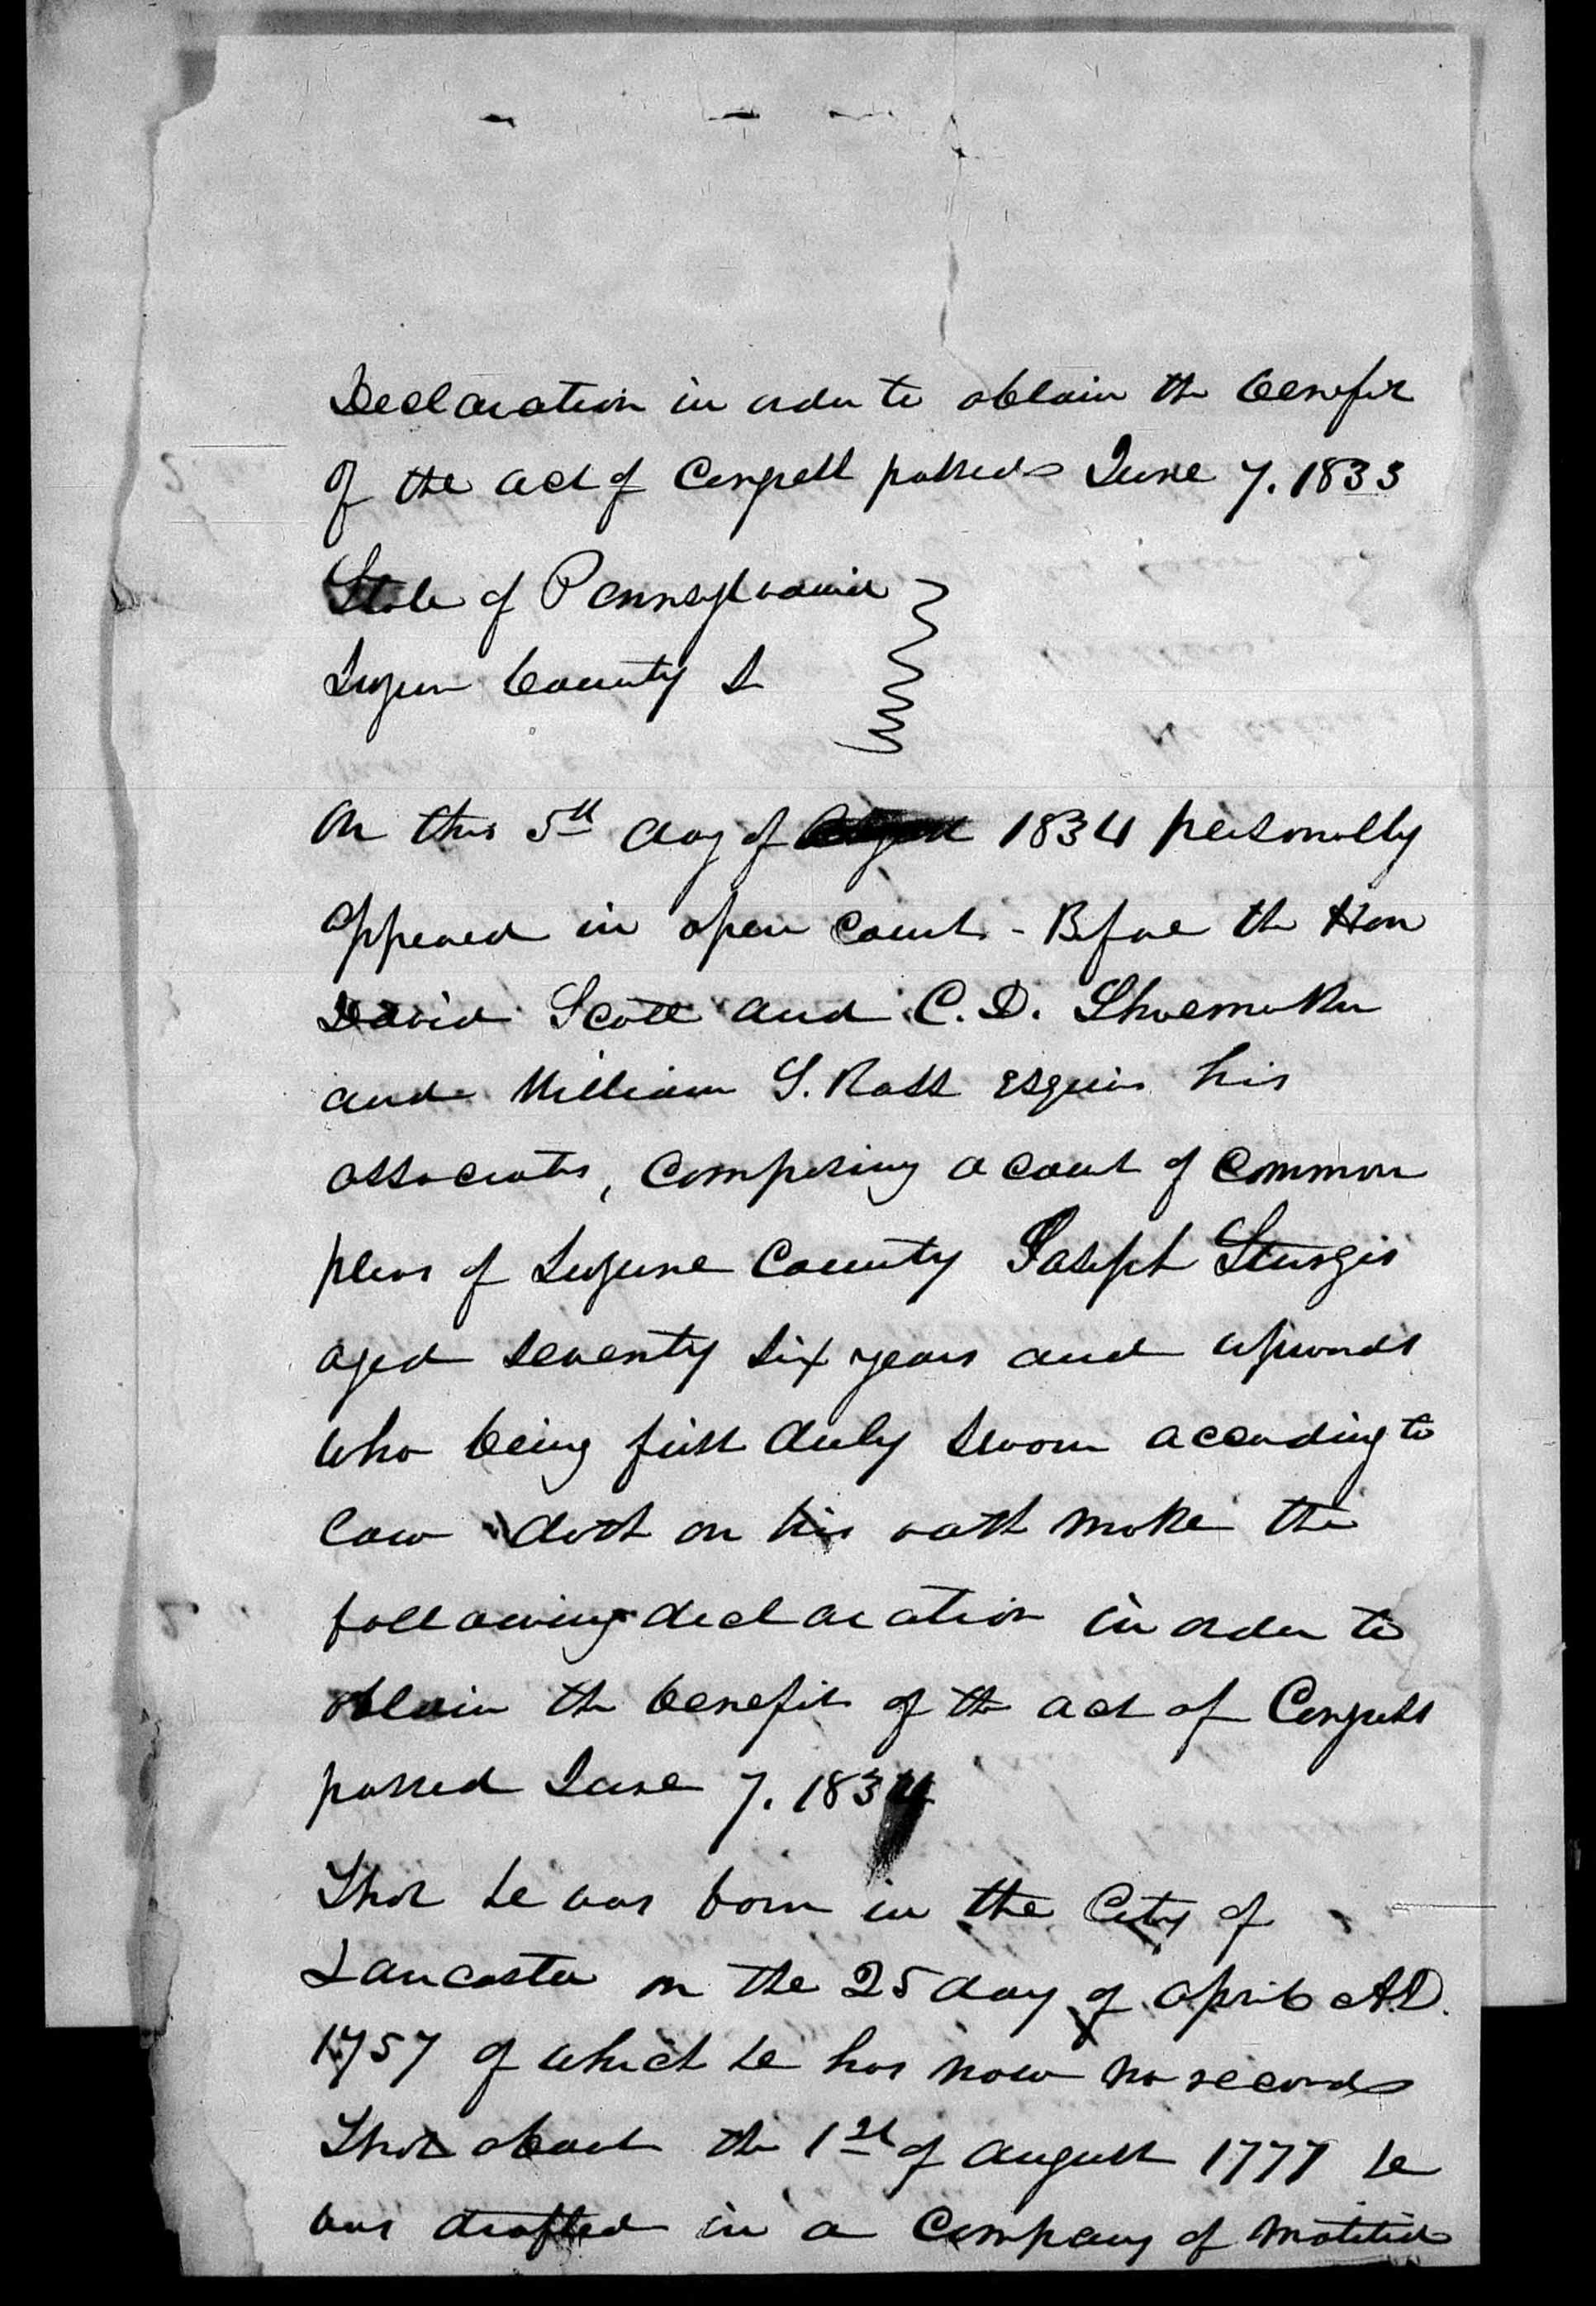Declaration in order to obtain the benefit of the act of Congress passed June 7. 1833       
State of Pennsylvania     
Luzerne County Ss}        
On this 5th day of August 1834 personally appeared in open Court before the Hon David Scott and C.D. Shoemaker William S. Ross Esquire his associates, composing a court of Common pleas of Luzerne County Joseph Sturges aged seventy six years and upon who being first duly sworn according to law doth on his oath make the following declaration in order to obtain the benefit of the act of Congress passed June 7. 1832          
That he was born in the City of Lancaster on the 25 day of April A.D 1757 of which he has now no record That about the 1st of August 1777 was drafted in a company of Malitia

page: 3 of 31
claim: survivor's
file: S. 6154, for Joseph Sturgis, Pennsylvania